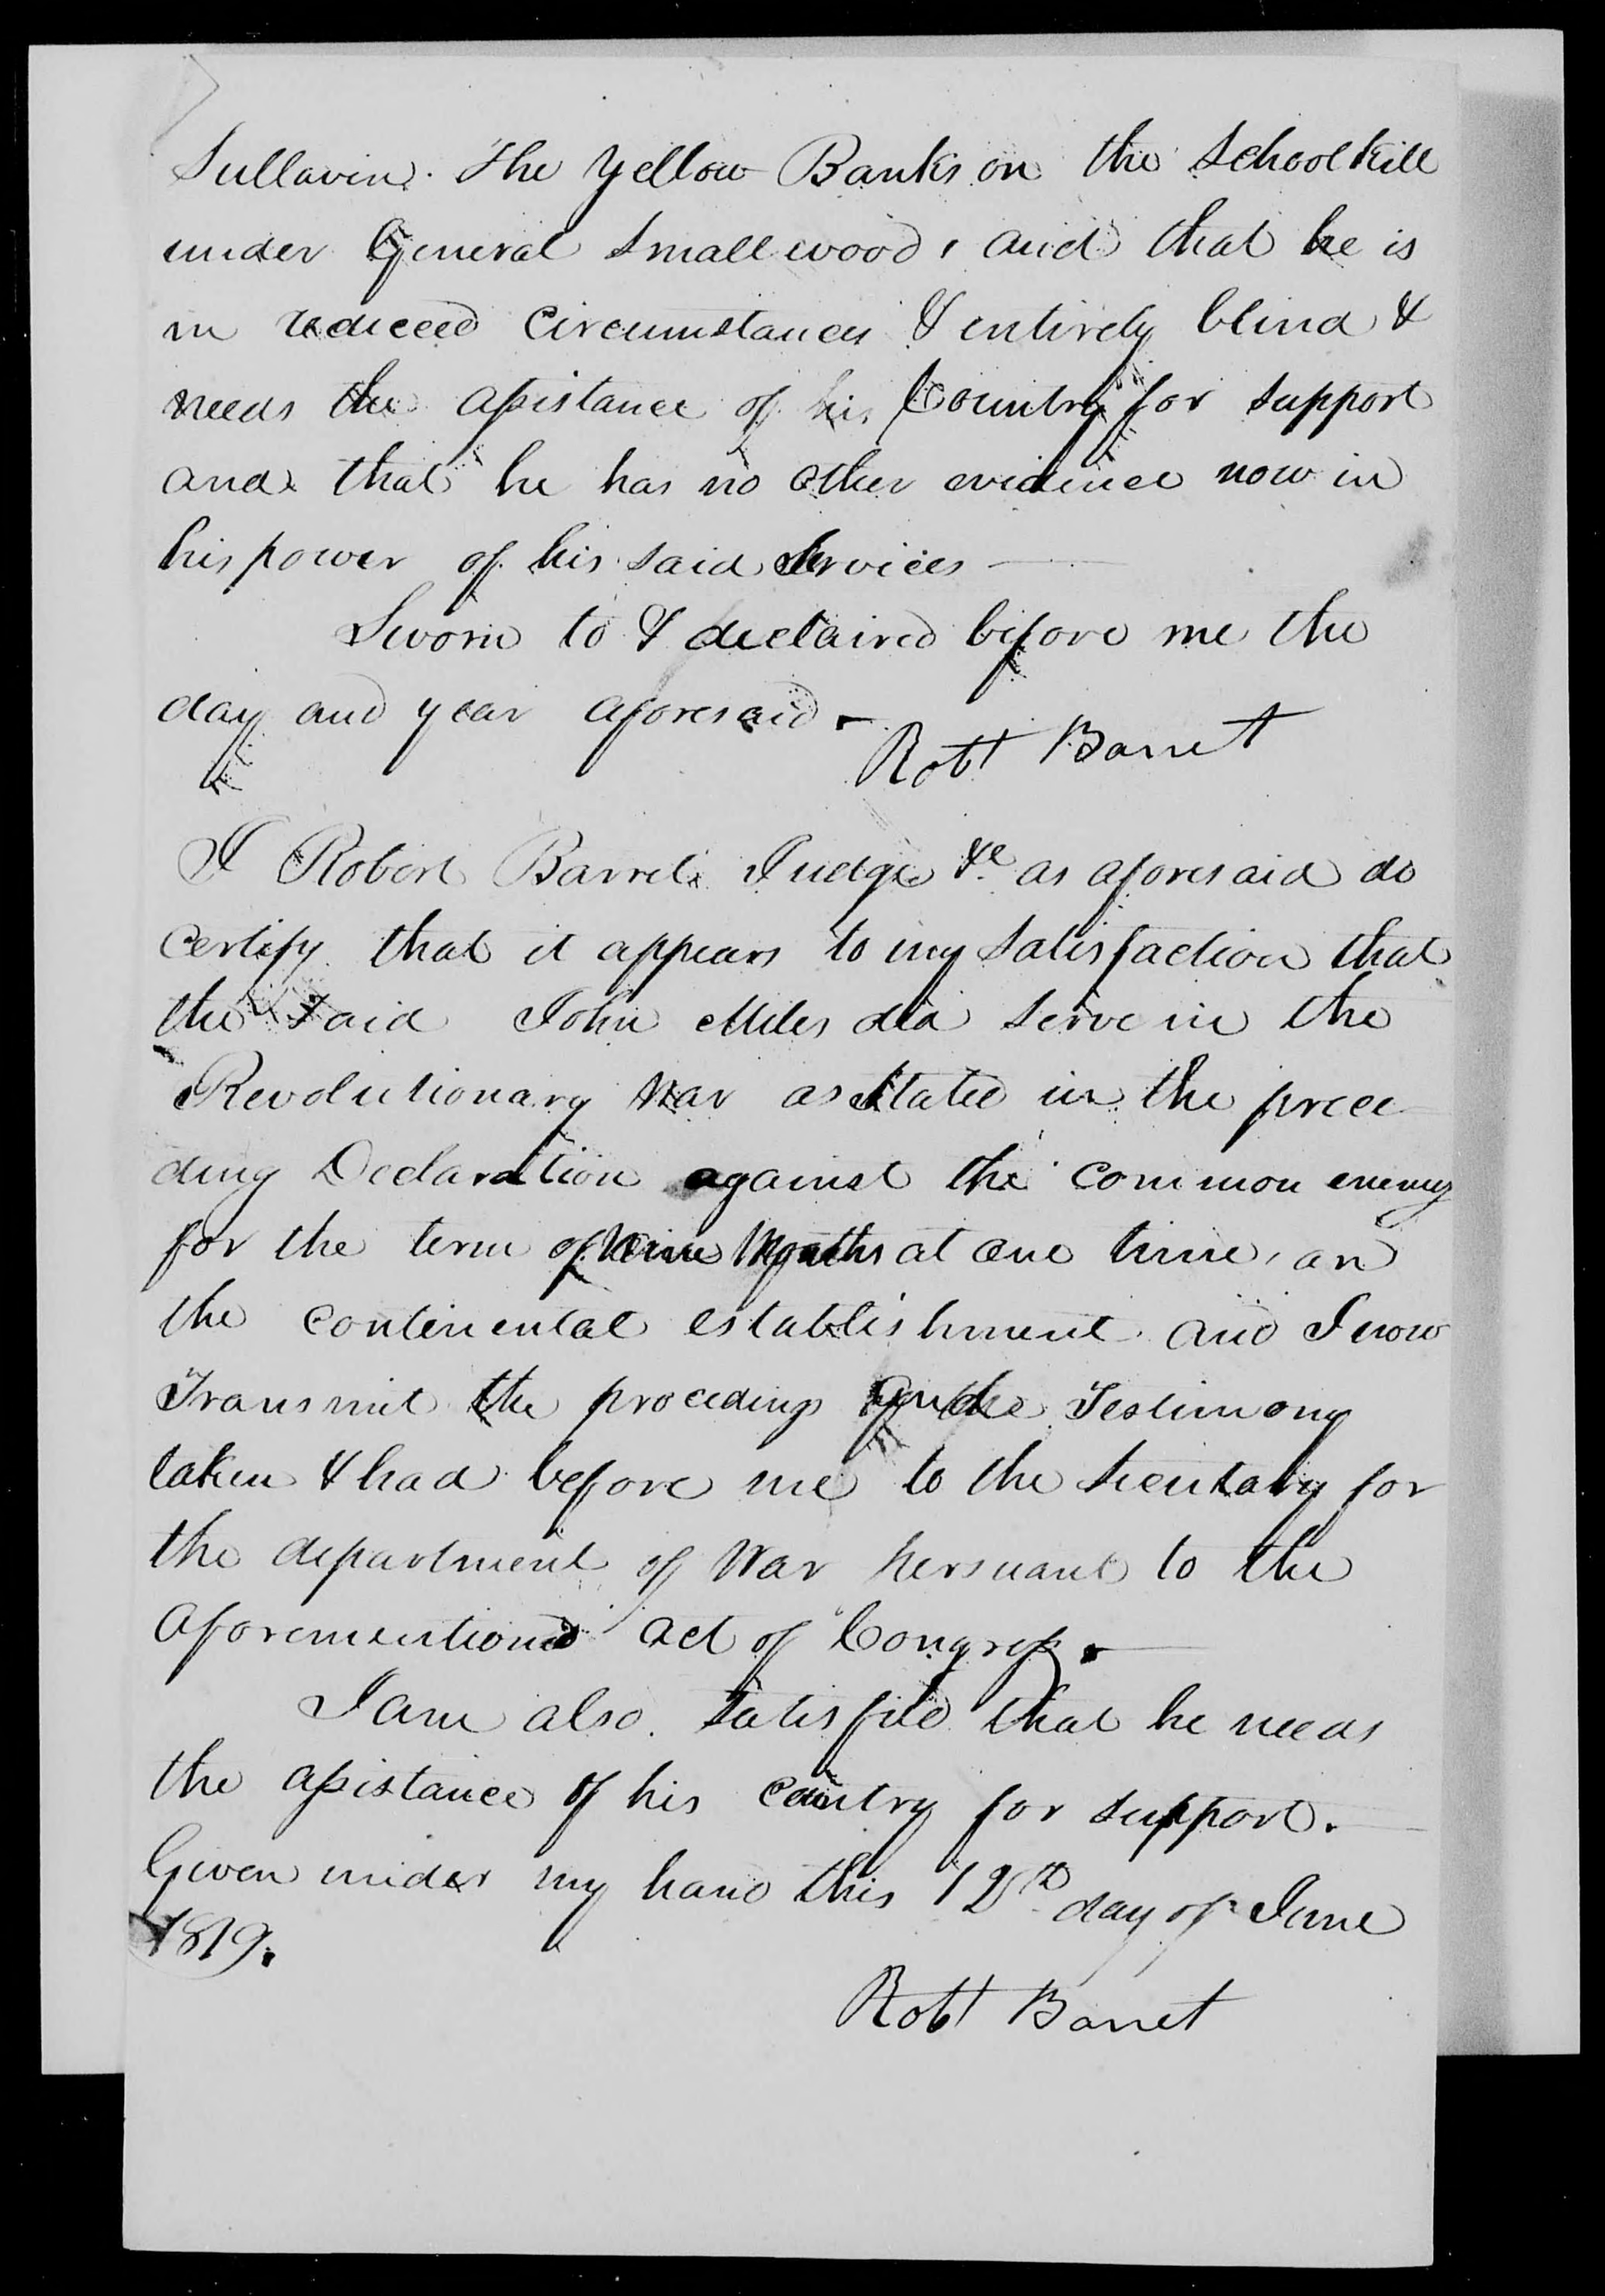Sullavin. The Yellow Banks on the Schoolkill under General Smallwood, and that he is in reduced circumstances I entirely blind & that he is in reduced circumstances & entirely blind & needs the assistance of his country for support and that he has not other evidence now in his power of his said Services.

Sworn to & declared before me the day and year aforesaid -Robt Barret

I Robert Barret Judge as aforesaid do certify that it appears to my satisfaction the the said John Miles did service in the Revolutionary War as stated in the preceding Declaration against the common enemy for the term of nine months at one time, in the continental establishment and I now transmit the procedings and testimony taken & had before me to the Secretary for the department of war persuant to the aforementioned act of Congress.

I am also satisfied that he needs the assistance of his country for support. Given under my hand this 12th day of June 1819. 
[signed] Robt. Barret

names: Robert Barret; John Miles; [BLANK] Smallwood; [BLANK] Sullavin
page: 8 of 24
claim: survivor's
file: S 36138, for John Miles, Maryland